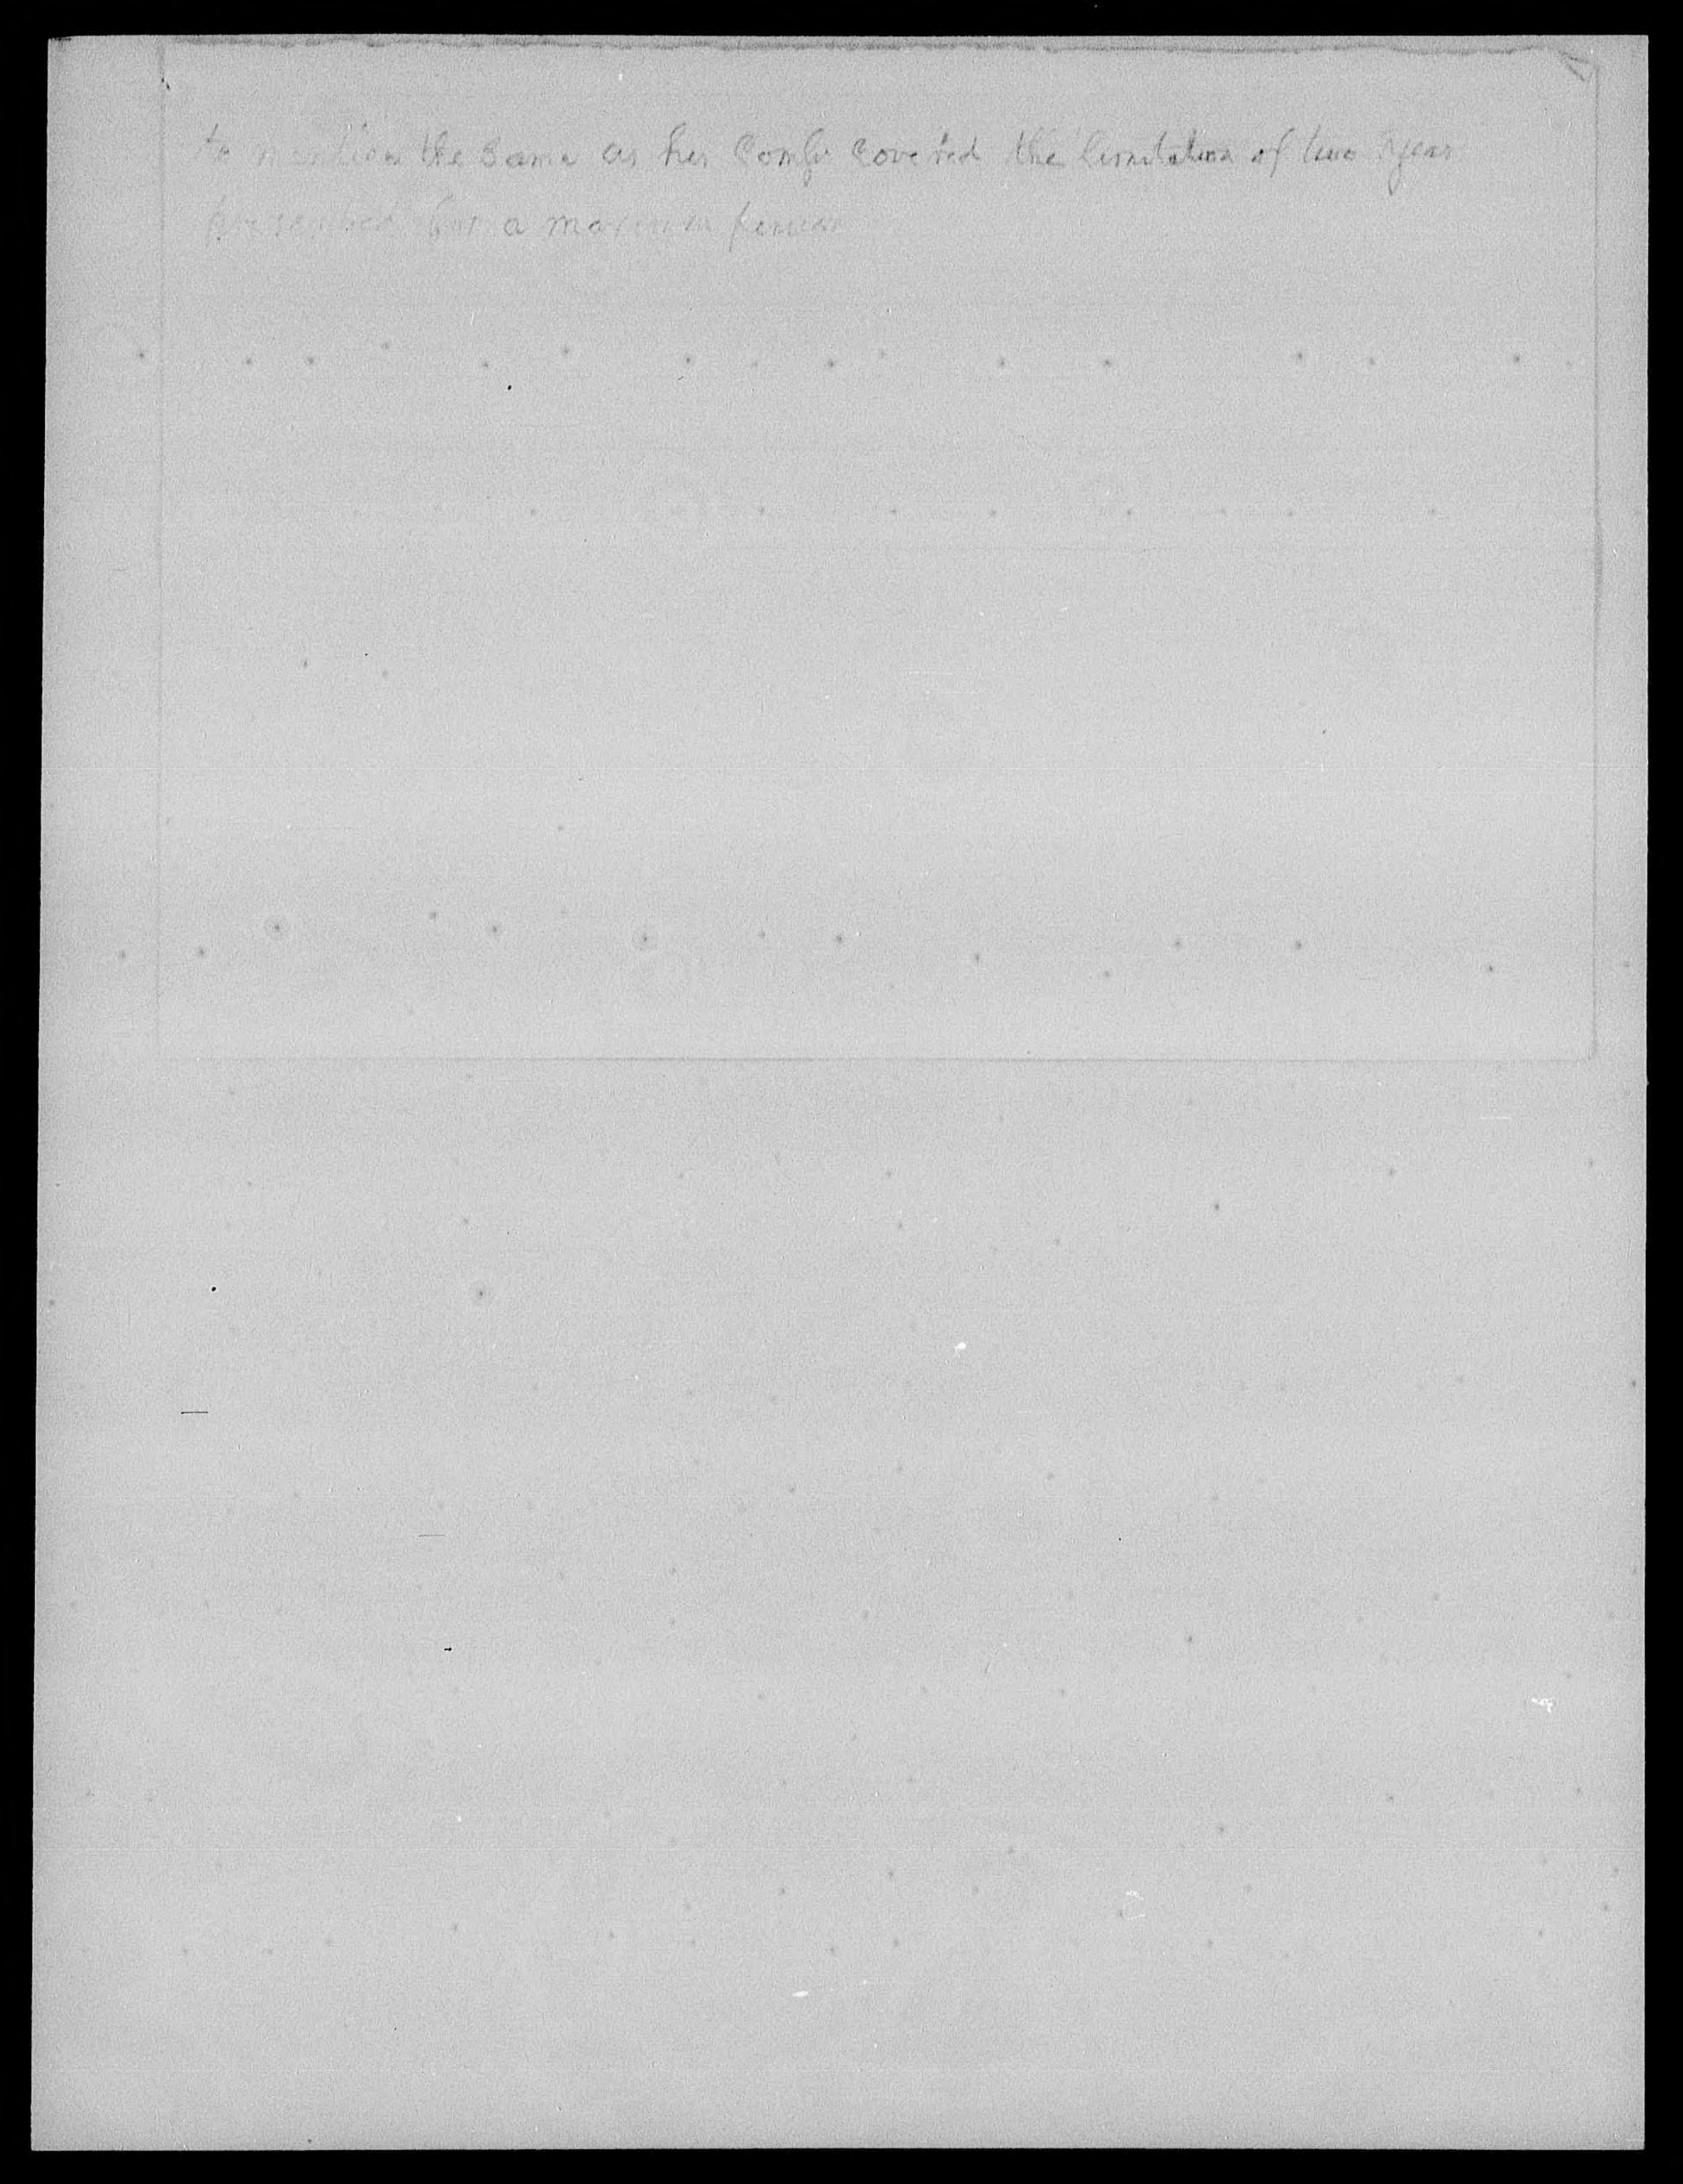to mention the same as her son has covered the declaration of two years presented for [illegible]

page: 13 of 23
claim: widow's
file: W. 15010, for Thomas Lamb, Massachusetts